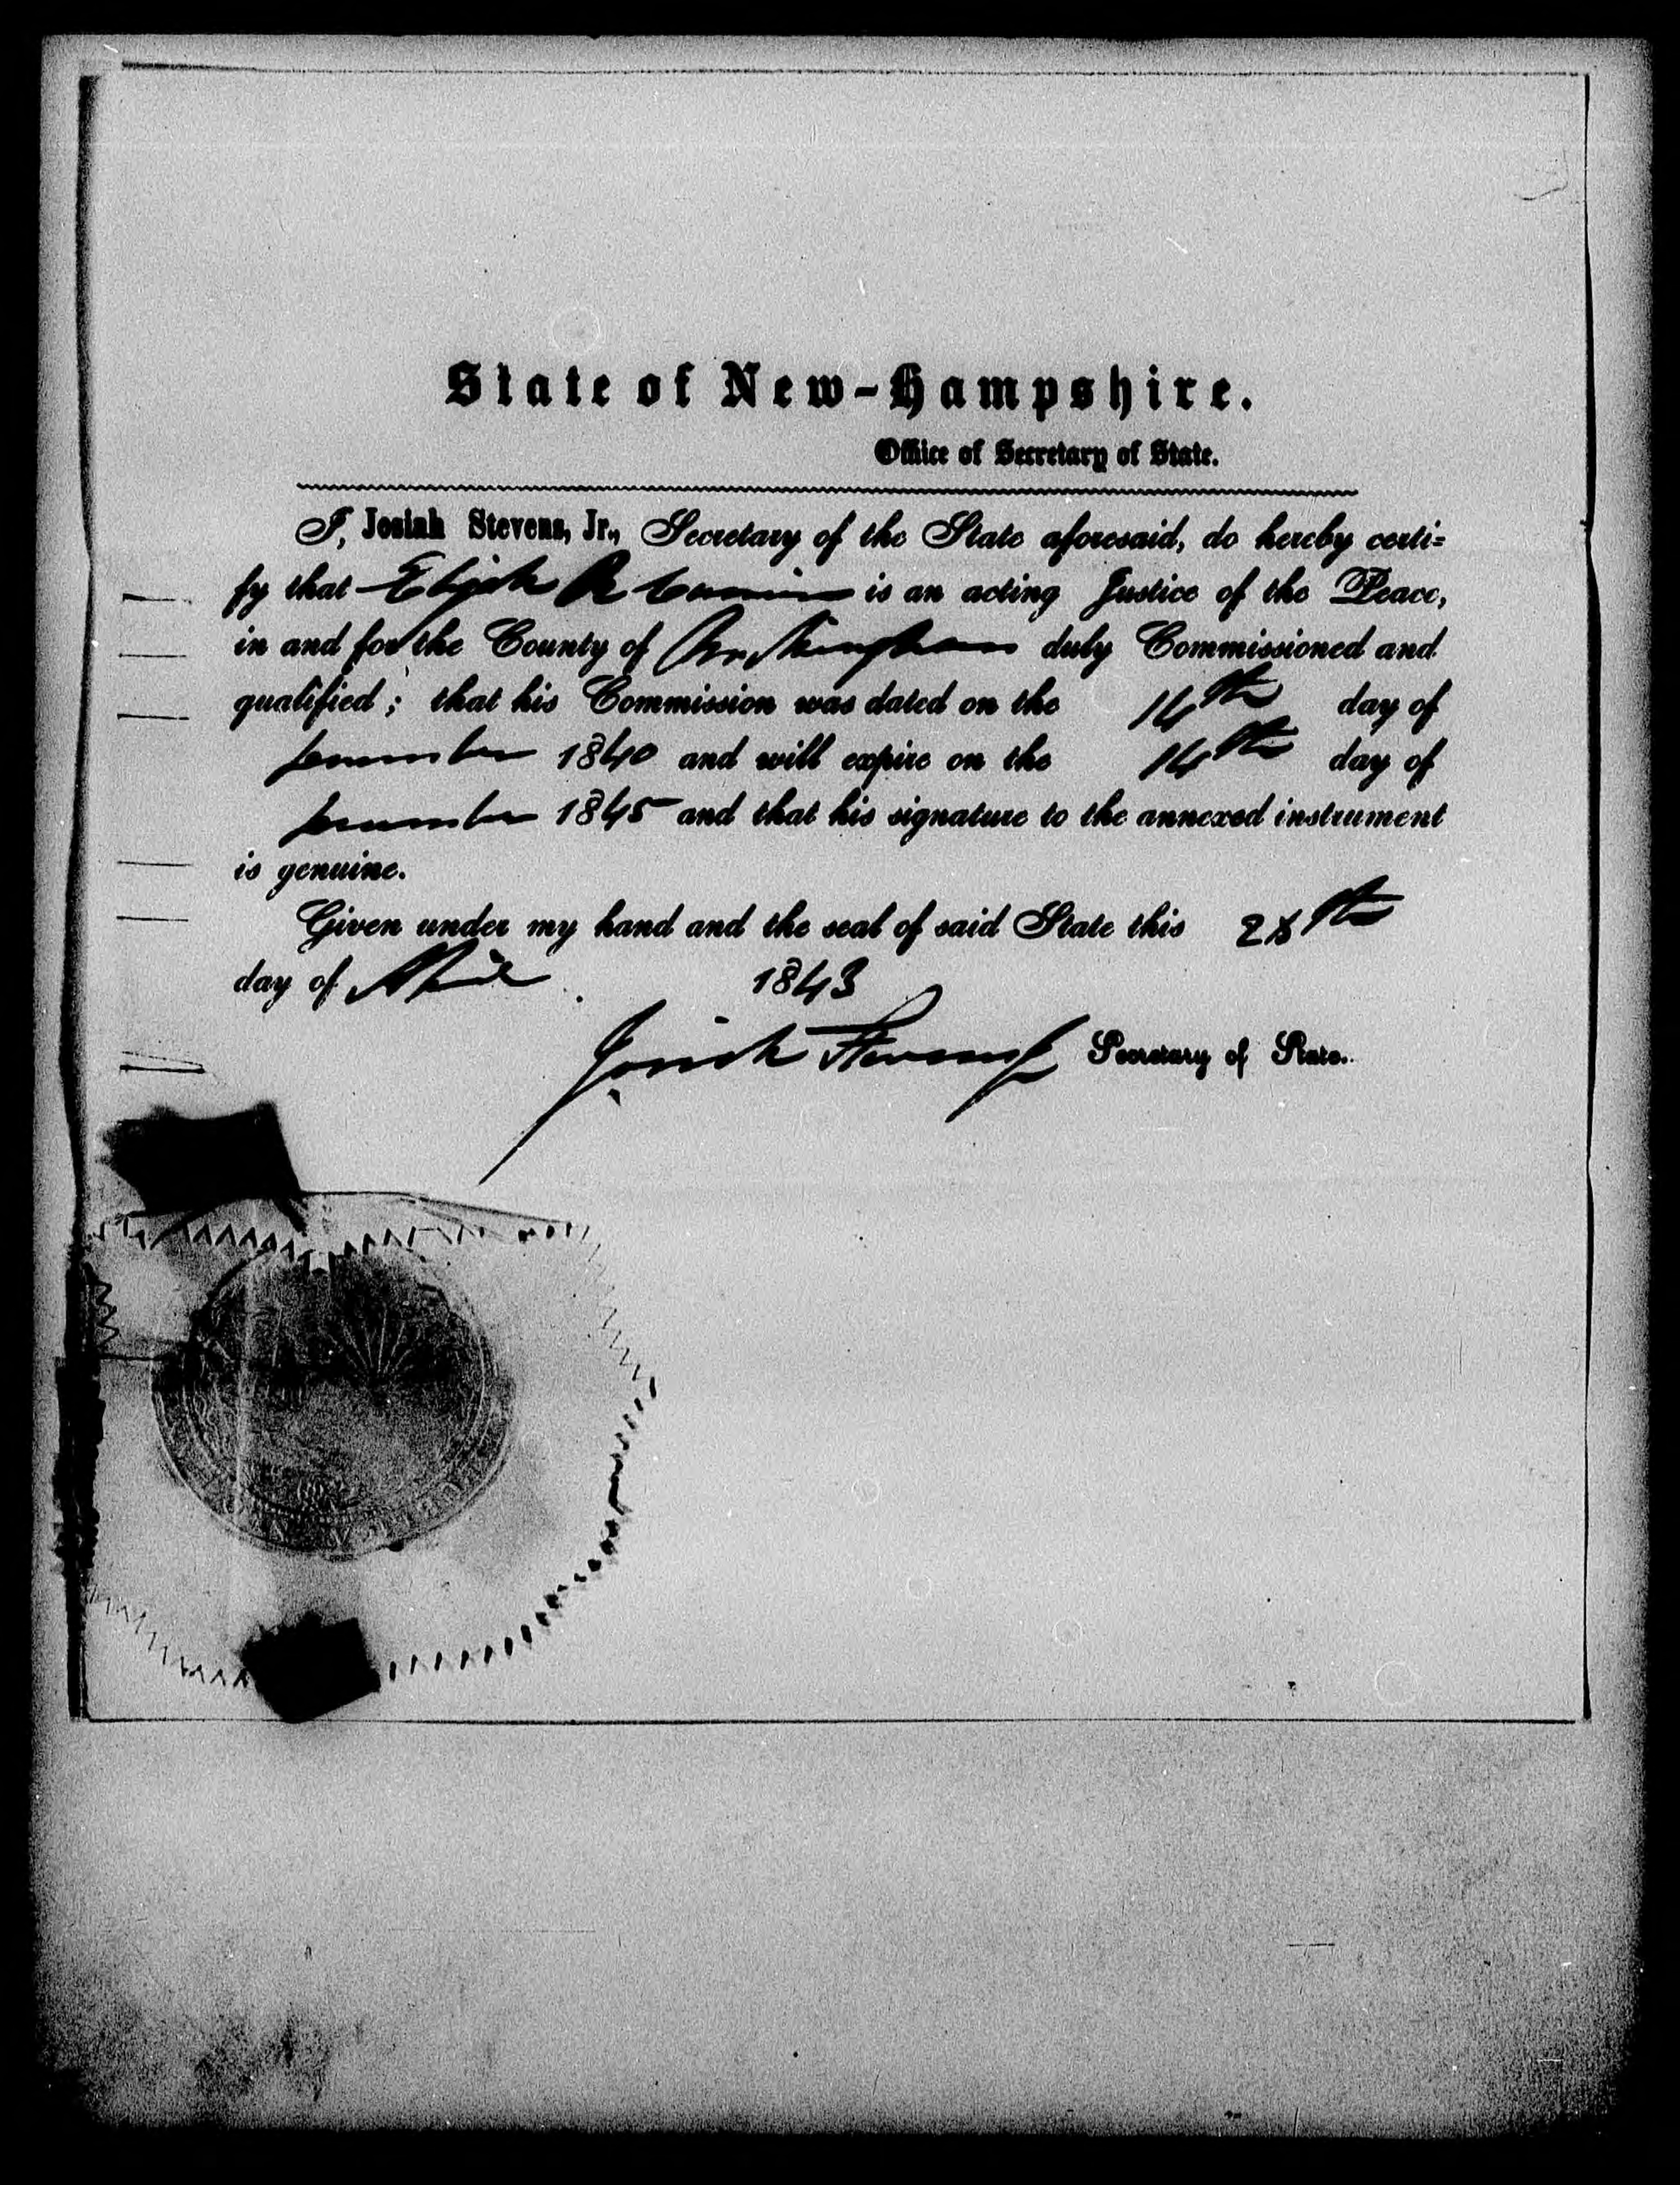State of New-Hampshire
Office of Secretary of State.
I, Josiah Stevens, Jr. Secretary of the State aforesaid, do hereby certify
that Elijah R Currin is an acting Justice of the Peace
in and for the County of Rockingham duly commissioned and
qualified; that his Commission was dated on the
14th day of December 1840 and will expire on the 14th day of December 1845 and that his signature to the annexed instrument
is genuine.
Given under my hand and the seal of said State this 28th day of April
1843
Josiah Stevens Secretary of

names: Josiah Stevens, Josiah Stevens, Elijah R Currin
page: 40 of 57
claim: widow's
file: W. 16,114, John Elliot, Continental (Mass) N.H.